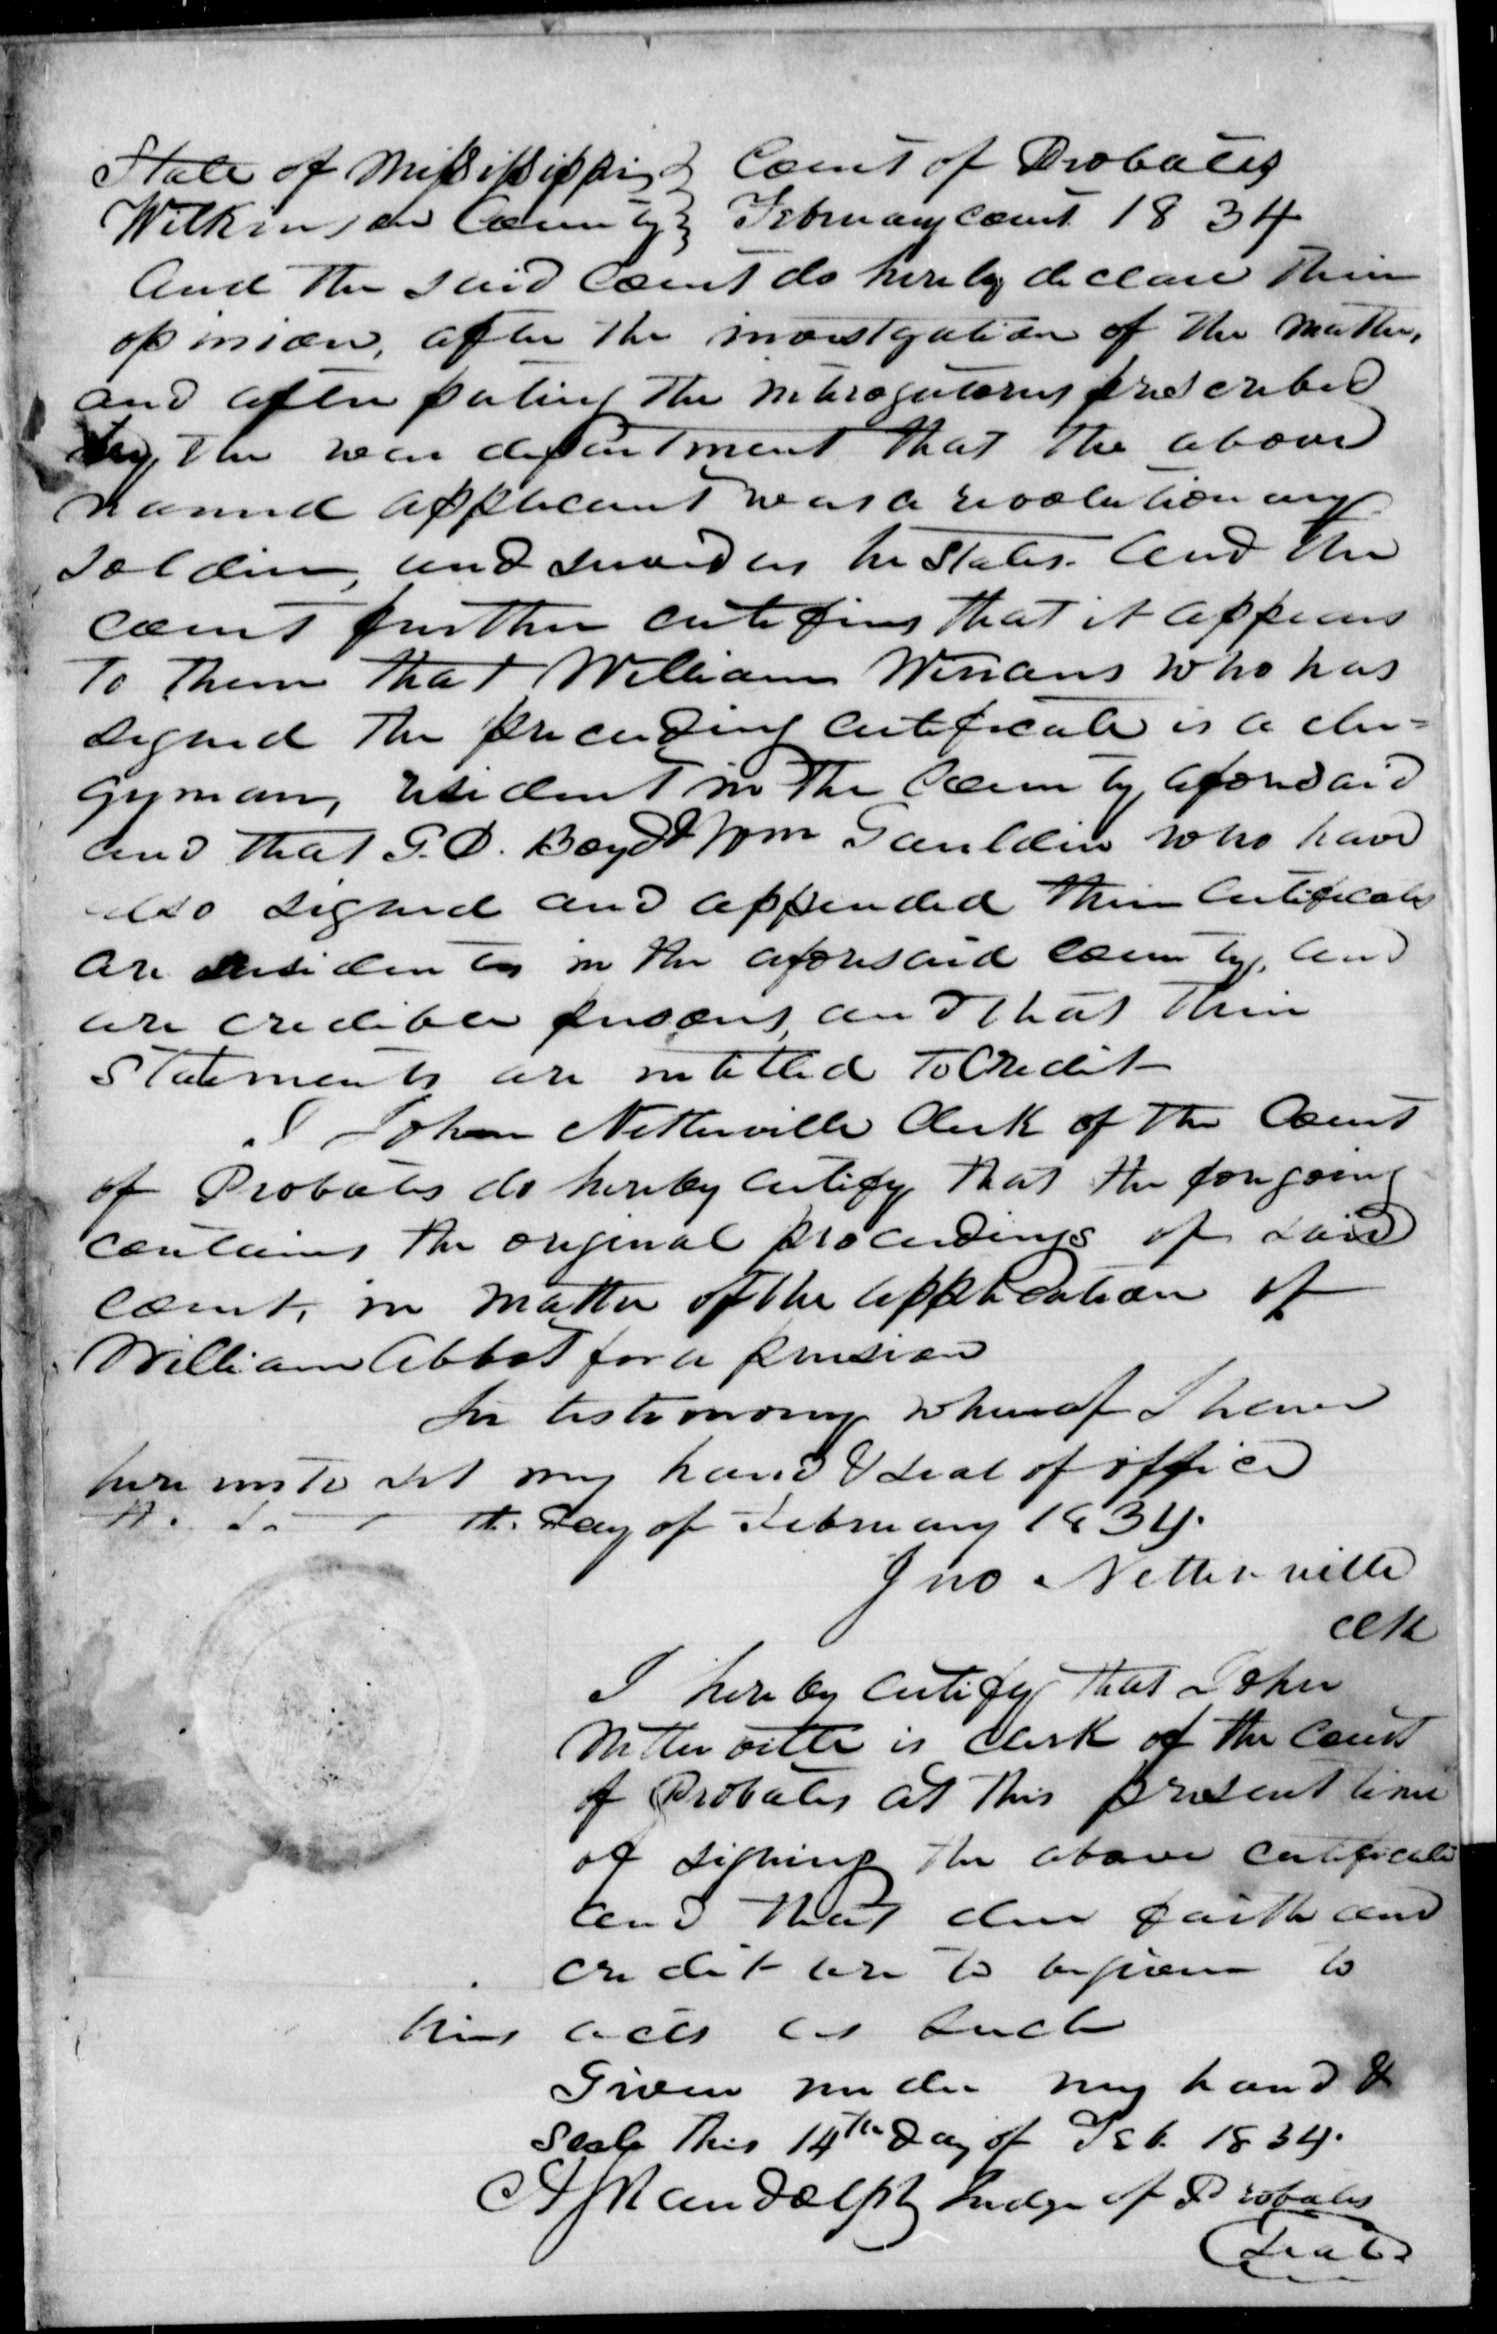State of Mississippi
Wilkinson County
Court of Probates February Court 1834
And the said Court do hereby declare their opinion, after the investigation of the matter, and after puting the interogatories prescribed by the war department that the above named applicant was a revolutionary soldier, and served as he states. And the court further certifies that it appears to them that William Winans who has signed the preceeding certificate is a clergyman, resident in the County aforesaid and that G.D. Boyd & Wm Gauldin who have also signed and appended their certificates are residents in the aforesaid county, and are credible persons, and that their statements are entitled to credit.
I John Netterville Clerk of the Court of Probates do hereby certify that the foregoing contains the original proceedings of said Court, in matter of the application of William Abbot for a pension
In testimony whereof I have hereunto set my hand & seal of office the fourteenth day of February 1834.
Jno Netterville
Clk

I hereby certify that John Netterville is clerk of the Court of Probates at this present time of signing the above certificate and that due faith and credit are to be given to his acts as such
Given under my hand & seal this 14th day of Feb. 1834.
A J Randolph Judge of Probates {seal}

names: G D Boyd, John Netterville, William Winans, A J Randolph, Wm Gauldin, William Abbot, John Netterville, Jno Netterville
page: 20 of 38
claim: survivor's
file: S. 30. 239, William Abbott, S.C.